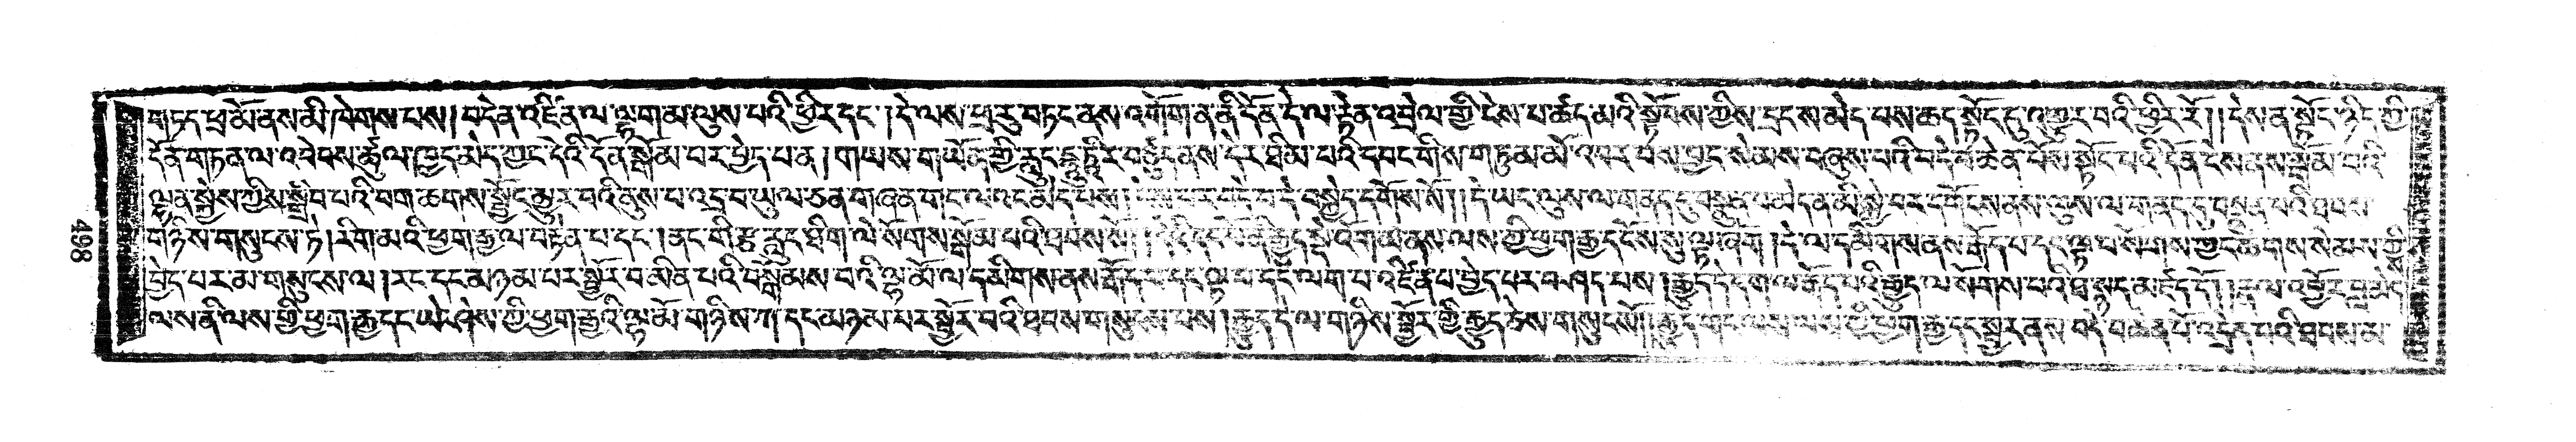གཏད་ཕྲ་མོ་ནས་མི་ཁེགས་པས། བདེན་འཛིན་ལ་ལྷག་མ་ལུས་པའི་ཕྱིར་དང་། དེ་ལས་ཕྲ་རུ་བཏང་ནས་འགོག་ན་ནི་དོན་དེ་ལ་རྟེན་འབྲེལ་གྱི་ངེས་པ་ཚད་མའི་སྟོབས་ཀྱིས་དྲང་ས་མེད་པས་ཆད་སྟོང་དུ་འགྱུར་བའི་ཕྱིར་རོ། །དེས་ན་སྟོང་ཉིད་ཀྱི་
དོན་གཏན་ལ་འབབས་ཚུལ་ཁྱད་མེད་ཀྱང་དེའི་དོན་སྒོམ་པར་བྱེད་པ་ན། གཡས་གཡོན་གྱི་རླུང་དྷཱུ་ཏཱིར་བཙུད་ནས་དེར་ཐིམ་པའི་དབང་གིས་གཏུམ་མོ་འབར་བས་བྱང་སེམས་བཞུས་པའི་བདེ་བ་ཆེན་པོས་སྟོང་པའི་དོན་ངེས་ནས་སྒོམ་པའི་
ལྷན་སྐྱེས་ཀྱིས་སྒྲིབ་པའི་བག་ཆགས་སྦྱོང་མྱུར་བའི་ནུས་པ་འདྲ་བ་ཡུལ་ཅན་གཞན་གང་ལའང་མེད་པས། ངེས་པར་བདེ་བ་དེ་བསྐྱེད་དགོས་སོ། །དེ་ཡང་ལུས་ལ་གནད་དུ་བསྣུན་པ་མེད་ན་མི་སྐྱེ་བར་དགོངས་ནས་ལུས་ལ་གནད་དུ་བསྣུན་པའི་ཐབས་
གཉིས་གསུངས་ཏེ། རིག་མའི་ཕྱག་རྒྱ་ལ་བརྟེན་པ་དང་། ངང་གི་རྩ་རླུང་ཐིག་ལེ་སོགས་སྒོམ་པའི་ཐབས་སོ། །དེའི་དང་པོ་ནི་རྒྱུད་སྡེ་འོག་མ་ནས་ལས་ཀྱི་ཕྱག་རྒྱ་དངོས་སུ་ལྟ་ཞོག །དེ་ལ་དམིགས་ནས་རྒོད་པ་དང་ལྟ་བ་སོགས་ཀྱང་ཚོགས་སེམས་ཀྱིས་
བྱེད་པར་མ་གསུངས་ལ། རང་དང་མཉམ་པར་སྦྱོར་བ་མིན་པའི་བསྒོམས་པའི་ལྷ་མོ་ལ་དམིགས་ནས་རྒོད་པ་དང་ལྟ་བ་དང་ལག་པ་འཛིན་པ་བྱེད་པར་བཤད་པས། རྒྱུད་དེ་དག་ལ་རྒོད་པའི་རྒྱུད་ལ་སོགས་པའི་ཐ་སྙད་མཛད་དོ། །རྣལ་འབྱོར་བླ་མེད་
ལས་ནི་ལས་གྱི་ཕྱག་རྒྱ་དང་ཡེ་ཤེས་ཀྱི་ཕྱག་རྒྱའི་ལྷ་མོ་གཉིས་ཀ་དང་མཉམ་པར་སྦྱོར་བའི་ཐབས་གསུངས་པས། རྒྱུད་དེ་ལ་གཉིས་སྦྱོར་གྱི་རྒྱུད་ཅེས་གསུངས་སོ། །རྒྱུད་གང་ལས་ལས་ཀྱི་ཕྱག་རྒྱ་དང་སྦྱར་ནས་བདེ་བ་ཆེན་པོ་འདྲེན་པའི་ཐབས་མ་